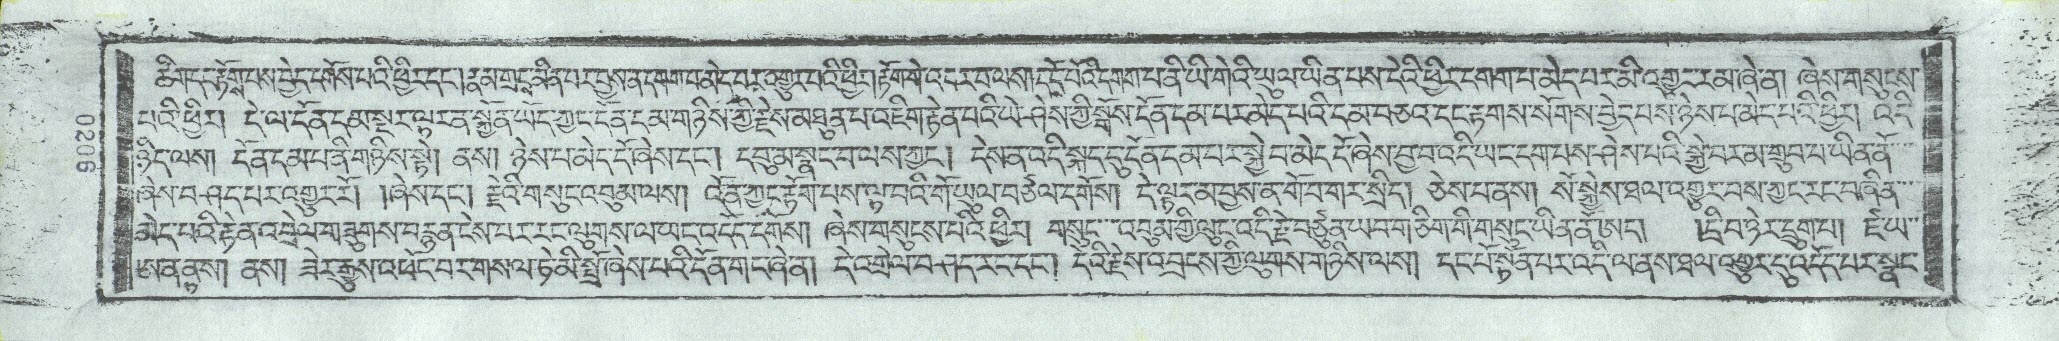ཚིག་དང་རྟོགས་པས་བྱེད་དགོས་པའི་ཕྱིར་དང་། རྣམ་གྲངས་མིན་པར་བྱས་ན་དགག་པ་མེད་པར་འགྱུར་པའི་ཕྱིར། རྟོག་གེ་འབར་བ་ལས། དངོས་པོའི་དགག་པ་ནི་ཡི་གེའི་ཡུལ་ཡིན་པས་དེའི་ཕྱིར་དགག་པ་མེད་པར་མི་འགྱུར་རམ་ཞེ་ན། ཞེས་གསུངས་
པའི་ཕྱིར། དེ་ལ་དོན་དམ་སྔར་ལྟར་ན་སྐྱོན་ཡོད་ཀྱང་དོན་དམ་གཉིས་ཀྱི་རྗེས་མཐུན་པ་འཇིག་རྟེན་པའི་ཡེ་ཤེས་ཀྱི་སྒོས་དོན་དམ་པར་མེད་པའི་དམ་བཅའ་དང་རྟགས་སོགས་བྱེད་པས་ཉེས་པ་མེད་པའི་ཕྱིར། འདི་
ཉིད་ལས། དོན་དམ་པ་ནི་གཉིས་སྟེ། ནས། ཉེས་པ་མེད་དོ་ཞེས་དང་། དབུ་མ་སྣང་བ་ལས་ཀྱང་། དེས་ན་འདི་སྐད་དུ་དོན་དམ་པར་སྐྱེ་བ་མེད་དོ་ཞེས་བྱ་བ་འདི་ཡང་དག་པས་ཤེས་པའི་སྐྱེ་བར་མ་གྲུབ་པ་ཡིན་ནོ་
ཞེས་བཤད་པར་འགྱུར་རོ། །ཞེས་དང་། རྗེའི་གསུང་འབུམ་ལས། འོན་ཀྱང་རྟོག་པས་ལྟ་བའི་གོ་ཡུལ་བཙལ་དགོས། དེ་ལྟར་མ་བྱས་ན་གོ་བ་གར་སྲིད། ཅེས་པ་ནས། སོ་སྐྱེས་ཐལ་འགྱུར་བས་ཀྱང་རང་བཞིན་
མེད་པའི་རྟེན་འབྲེལ་གཟུགས་བརྙན་ངེས་པར་རང་ལུགས་ལ་ཡང་འདོད་དགོས། ཞེས་གསུངས་པའི་ཕྱིར། གསུང་འབུམ་གྱི་ལུང་འདི་རྗེ་བཙུན་ཡབ་གཅིག་གི་གསུང་ཡིན་ནོ་ཨང་། །དྲི་བ་ཉེར་དྲུག་པ། ཛ་ཡ་
ཨ་ནནྟས། ནས། ཟེར་རྒྱུས་འཕོང་བར་གསལ་ཏེ་མི་སྤྲོ་ཞེས་པའི་དོན་གང་ཞེ་ན། དེ་འགྲེལ་བཤད་རང་དང་། དེའི་རྗེས་འབྲངས་ཀྱི་ལུགས་གཉིས་ལས། དང་པོ་སྟོན་པར་འདི་ལ་ནས་ཐལ་འགྱུར་དུ་འདོད་པར་སྣང་